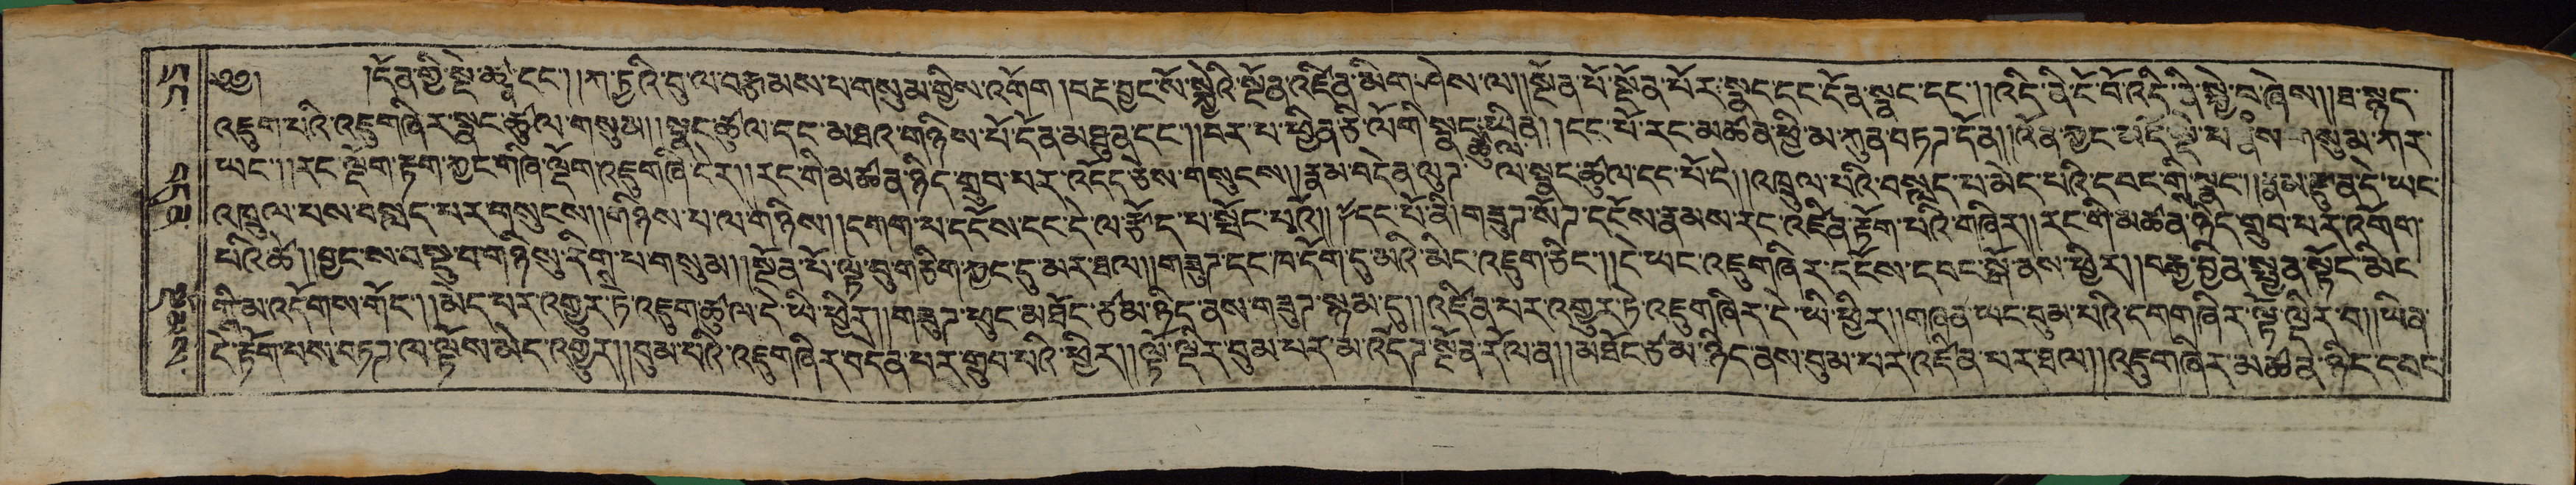༄༅། །དོན་གྱི་སྡེ་ཚན་དང་། །ཀ་ཏྱའི་བུ་ལ་བརྩམས་པ་གསུམ་གྱིས་འགོག །བརྡ་བྱང་སོ་སྐྱེའི་སྔོན་འཛིན་མིག་ཤེས་ལ། །སྔོན་པོ་སྔོན་པོར་སྣང་དང་དོན་སྣང་དང་། །འདི་ནི་ངོ་བོ་འདི་ནི་སྐྱེ་བ་ཞེས། །ཐ་སྙད་
འཇུག་པའི་འཇུག་གཞིར་སྣང་ཚུལ་གསུམ། །སྣང་ཚུལ་དང་མཐའ་གཉིས་པོ་དོན་མཐུན་དང་། །བར་པ་ཕྱིན་ཅི་ལོག་གི་སྣང་ཚུལ་ཡིན། །དང་པོ་རང་མཚན་ཕྱི་མ་ཀུན་བཏགས་དོན། །འོན་ཀྱང་མདོ་སྡེ་པ་རྣམས་གསུམ་ཀར་
ཡང་། །རང་ལྡོག་རྟག་ཀྱང་གཞི་ལྡོག་འཇུག་གཞི་དེར། །རང་གི་མཚན་ཉིད་གྲུབ་པར་འདོད་ཅེས་གསུངས། །རྣམ་བདེན་ལུགས་ལ་སྣང་ཚུལ་དང་པོ་དེ། །འཁྲུལ་པའི་བསླད་པ་མེད་པའི་དབང་གིས་སྣང་། །རྣམ་རྫུན་དེ་ཡང་
འཁྲུལ་པས་བསླད་པར་གསུངས། །གཉིས་པ་ལ་གཉིས། །དགག་པ་དངོས་དང་དེ་ལ་རྩོད་པ་སྤོང་པའོ་བའོ། ༈ །དང་པོ་ནི། གཟུགས་སོགས་དངོས་རྣམས་རང་འཛིན་རྟོག་པའི་གཞིར། །རང་གི་མཚན་ཉིད་གྲུབ་པར་འགོག་
པའི་ཚེ། །བྱང་ས་བསྡུ་བ་གཉིས་སུ་རིགས་པ་གསུམ། །སྔོན་པོ་ལྟ་བུ་གཅིག་ཀྱང་དུ་མར་ཐལ། །གཟུགས་དང་ཁ་དོག་དུ་མའི་མིང་འཇུག་ཅིང་། །དེ་ཡང་འཇུག་གཞིར་དངོས་དབང་སྒོ་ནས་ཕྱིར། །བརྒྱ་བྱིན་སྤྱན་སྟོང་མིང་
གིས་མ་འདོགས་གོང་། །མེད་པར་འགྱུར་ཏེ་འཇུག་ཚུལ་དེ་ཡི་ཕྱིར། །གཟུགས་ཕུང་མཐོང་ཙམ་ཉིད་ནས་གཟུགས་སྙམ་དུ། །འཛིན་པར་འགྱུར་ཏེ་འཇུག་གཞིར་དེ་ཡི་ཕྱིར། །གཞན་ཡང་བུམ་པའི་དགག་གཞིར་ལྟོ་ལྡིར་བ། །ཡིན་
དེ་རྟོག་པས་བཏགས་ལ་ལྟོས་མེད་འགྱུར། །བུམ་པའི་འཇུག་གཞིར་བདེན་པར་གྲུབ་པའི་ཕྱིར། །ལྟོ་ལྡིར་བུམ་པར་མ་འདོགས་སྔོན་རོལ་ན། །མཐོང་ཙམ་ཉིད་ནས་བུམ་པར་འཛིན་པར་ཐལ། ༈ །འཇུག་གཞིར་མཚན་ཉིད་དབང་